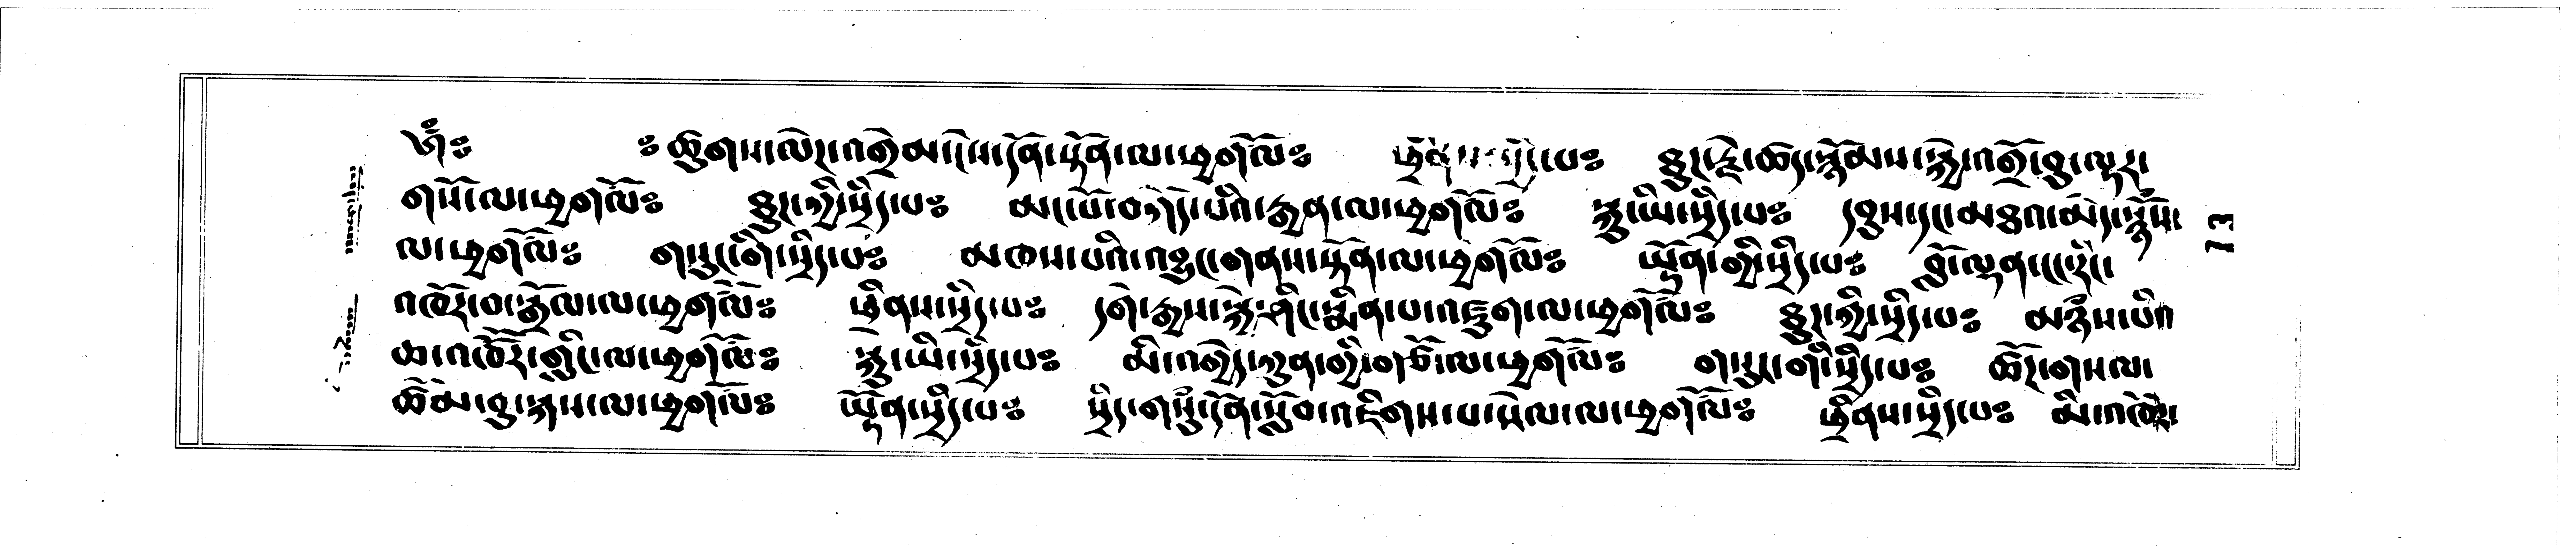ཚུགས་ལེགས་འགྲེམ་ངེས་དོན་སྟོན་ལ་ཕྱག་འཚལ་ལོཿ ཕྲིན་ལས་ཀྱི་སྲིད་པཿ ཐུགས་རྗེ་ཚད་སྙོམས་སྐྱེ་འགྲོ་བུ་ལྟར་
གསོ་ལ་ཕྱག་འཚལ་ལོཿ ཐུགས་ཀྱི་སྲིད་པཿ མང་པོ་བཀོད་པའི་རྒྱན་ལ་ཕྱག་འཚལ་ལོཿ སྐུ་ཡི་སྲིད་པཿ དབུས་དང་མཐའ་མེད་སྙོམས་
ལ་ཕྱག་འཚལ་ལོཿ གསུང་གི་སྲིད་པཿ མཁས་པའི་འབྱུང་གནས་སྟོན་ལ་ཕྱག་འཚལ་ལོཿ ཡོན་ཏན་གྱི་སྲིད་པཿ བློ་ལྡན་ངང་རིང་
འཁོར་བ་སྒྲོལ་ལ་ཕྱག་འཚལ་ལོཿ ཕྲིན་ལས་ཀྱི་སྲིད་པཿ དགེ་རྒྱས་སྐྱེད་ཤིང་སྨིན་པ་འཛུགས་ལ་ཕྱག་འཚལ་ལོཿ ཐུགས་ཀྱི་སྲིད་པཿ མཉམ་པའི་
ཆ་འཁོར་ལོ་གླིང་ལ་ཕྱག་འཚལ་ལོཿ སྐུ་ཡི་སྲིད་པཿ མི་འགྱེད་ཀུན་གྱི་གཙོ་ལ་ཕྱག་འཚལ་ལོཿ གསུང་གི་སྲིད་པཿ ཚོགས་གསལ་
ཚོམ་བུ་སྐས་ལ་ཕྱག་འཚལ་ལོཿ ཡོན་ཏན་གྱི་སྲིད་པཿ སྲིད་གསུམ་དོན་སློབ་འཇིགས་པ་སེལ་ལ་ཕྱག་འཚལ་ལོཿ ཕྲིན་ལས་ཀྱི་སྲིད་པཿ མི་འཁོར་